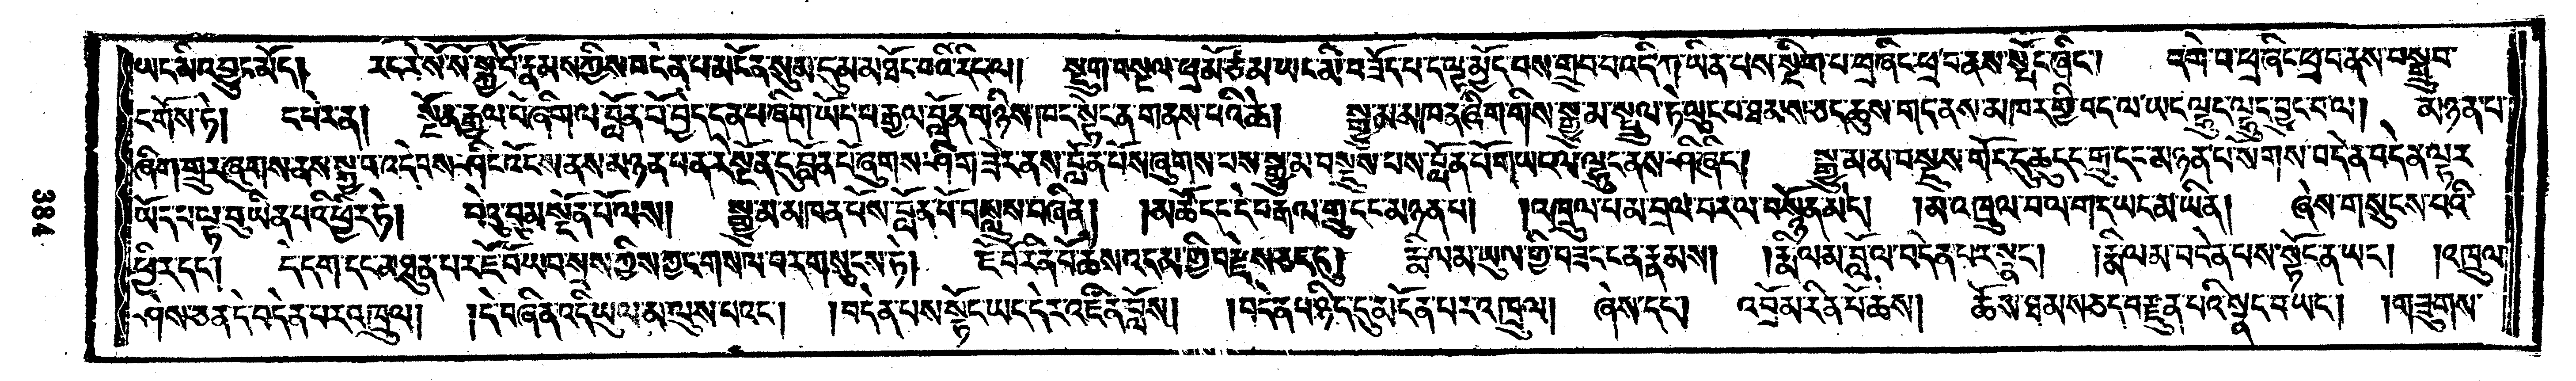ཡང་མི་འབྱུང་མོད། རང་རེ་སོ་སོ་སྐྱེ་བོ་རྣམས་ཀྱིས་བདེན་པ་མངོན་སུམ་དུ་མ་མཐོང་བའི་རིང་ལ། སྡུག་བསྔལ་ཕྲ་མོ་ཙམ་ཡང་མི་བཟོད་པ་ད་ལྟ་མྱོང་བས་གྲུབ་པ་འདི་ཀ་ཡིན་པས་སྡིག་པ་ཕྲ་ཞིང་ཕྲ་བ་ནས་སྤོང་ཞིང་། དགེ་བ་ཕྲ་ཞིང་ཕྲ་བ་ནས་བསྒྲུབ་
དགོས་ཏེ། དཔེར་ན། སྔོན་རྒྱལ་པོ་ཞིག་ལ་བློན་པོ་བྱེད་དན་པ་ཞིག་ཡོད་པ་རྒྱལ་བློན་གཉིས་ཁང་སྟེང་ན་གནས་པའི་ཚེ། སྒྱུ་མ་མཁན་ཞིག་གིས་སྒྱུ་མ་སྤྲུལ་ཏེ་ལུང་པ་ཐམས་ཅད་ཆུས་གང་ནས་མཁར་གྱི་བད་ལ་ཡང་ལྷུང་ལྷུང་བྱུང་བ་ལ། མཉན་པ་
ཞིག་གྲུར་ཞུགས་ནས་སྐྱ་བ་འདེབས་ཤིང་འོངས་ནས་མཉན་པ་ན་རེ་སྔོན་དུ་བློན་པོ་ཞུགས་ཤིག་ཟེར་ནས་བློན་པོས་ཞུགས་པས་སྒྱུ་མ་བསྡུས་པས་བློན་པོ་གཡང་ལ་ལྷུང་ནས་ཤི་ཞིང་། སྒྱུ་མ་མ་བསྡུས་གོང་དུ་ཆུ་དང་གྲུ་དང་མཉན་པ་སོགས་བདེན་བདེན་ལྟར་
ཡོད་པ་ལྟ་བུ་ཡིན་པའི་ཕྱིར་ཏེ། བེའུ་བུམ་སྔོན་པོ་ལས། སྒྱུ་མ་མཁན་པོས་བློན་པོ་བསླུས་བཞིན། །མཚོ་དང་དེ་བརྒལ་གྲུ་དང་མཉན་པ། །འཁྲུལ་པ་མ་བྲལ་པར་ལ་བསྙོན་མེད། །མ་འཁྲུལ་པ་ལ་གང་ཡང་མ་ཡིན། ཞེས་གསུངས་པའི་
ཕྱིར་དང་། དེ་དག་དང་མཐུན་པར་ཇོ་བོ་ཡབ་སྲས་ཀྱིས་ཀྱང་གསལ་བར་གསུངས་ཏེ། ཇོ་བོ་རིན་པོ་ཆེས་འདམ་གྱི་བརྫེས་བཅད་དུ། རྨི་ལམ་ཡུལ་གྱི་བཟང་ངན་རྣམས། རྨི་ལམ་བློ་ལ་བདེན་པར་སྣང་། །རྨི་ལམ་བདེན་པས་སྟོང་ན་ཡང་། །འཁྲུལ་
ཤེས་ཅན་དེ་བདེན་པར་འཁྲུལ། །དེ་བཞིན་འདི་ཡུལ་མ་ལུས་པའང་། །བདེན་པས་སྟོང་ཡང་དེར་འཛིན་བློས། །བདེན་པ་ཉིད་དུ་མངོན་པར་འཁྲུལ། ཞེས་དང་། འབྲོམ་རིན་པོ་ཆེས། ཆོས་ཐམས་ཅད་བརྫུན་པའི་སྣང་བ་ཡང་། །གཟུགས་